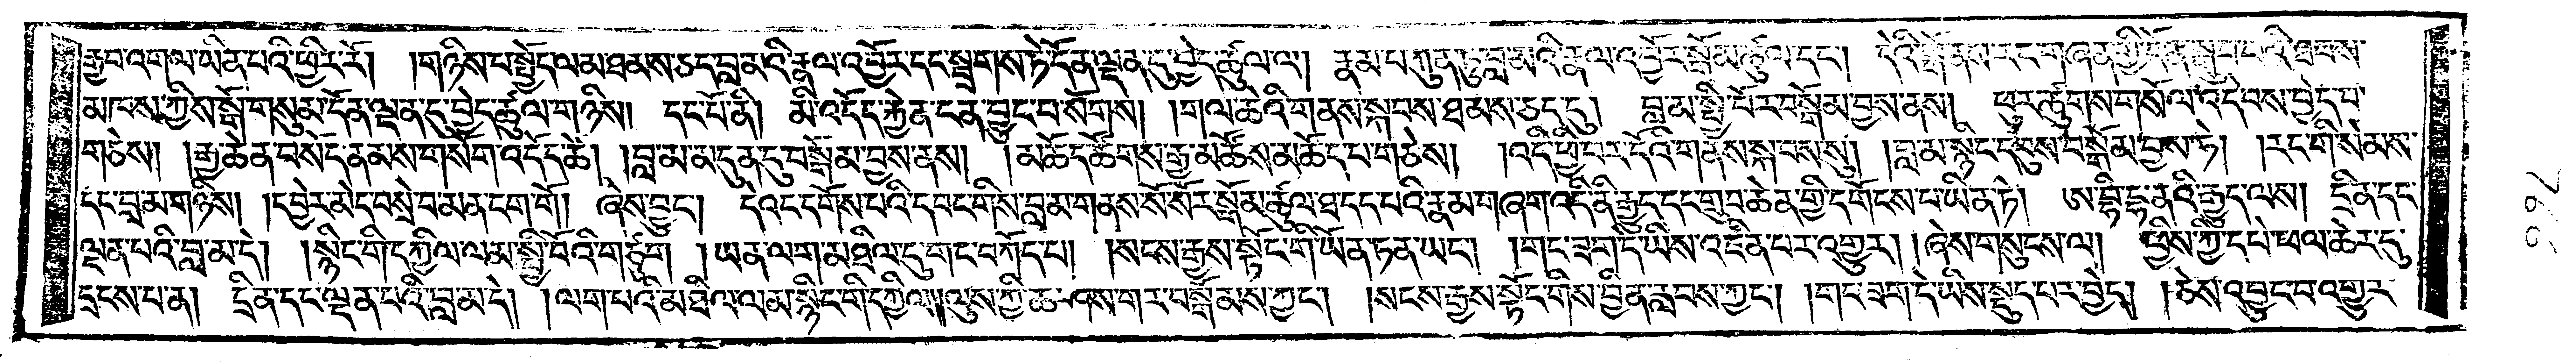རྒྱབ་འགལ་ཡིན་པའི་ཕྱིར་རོ། །གཉིས་པ་སྤྱོད་ལམ་ཐམས་ཅད་བླ་མའི་རྣལ་འབྱོར་དང་སྦྲགས་ཏེ་དོན་ལྡན་དུ་བྱེད་ཚུལ་ལ། རྣམ་པ་ཀུན་ཏུ་བླ་མའི་རྣལ་འབྱོར་སྒོམ་ཚུལ་དང་། དེའི་སྒོ་ནས་རང་གཞན་གྱི་དོན་བསྒྲུབ་པའི་ཐབས་
མཁས་ཀྱིས་སྒོ་གསུམ་དོན་ལྡན་དུ་བྱེད་ཚུལ་གཉིས། དང་པོ་ནི། མི་འདོད་རྐྱེན་ངན་བྱུང་བ་སོགས། །གལ་ཆེའི་གནས་སྐབས་ཐམས་ཅད་དུ། བླ་མ་སྤྱི་བོར་བསྒོམ་བྱས་ནས། ཕུར་ཚུགས་གསོལ་འདེབས་བྱེད་པ་
གཅེས། །རྒྱ་ཆེན་བསོད་ནམས་གསོག་འདོད་ཚེ། །བླ་མ་མདུན་དུ་བསྒོམ་བྱས་ནས། །མཆོད་ཚོགས་རྒྱ་མཚོས་མཆོད་པ་གཅེས། །འདི་ཕྱི་བར་དོའི་གནས་སྐབས་སུ། །བླ་མ་སྙིང་དབུས་བསྒོམ་བྱས་ཏེ། །རང་གི་སེམས་
དང་བླ་མ་གཉིས། །དབྱེར་མེད་བསྲེ་བ་མན་ངག་གོ། ཞེས་བྱུང་། དེའང་དགོས་པའི་དབང་གིས་བླ་མ་གནས་སོ་སོར་སྒོམ་ཚུལ་ཐ་དད་པའི་རྣམ་གཞག་འདི་ནི་རྒྱུད་དང་གྲུབ་ཆེན་གྱི་དགོངས་པ་ཡིན་ཏེ། ཨ་བྷི་དྷ་ནའི་རྒྱུད་ལས། དྲིན་དང་
ལྡན་པའི་བླ་མ་དེ། །སྙིང་གི་དཀྱིལ་ལམ་སྤྱི་བོའི་གཙུག །ཡན་ལག་མཐིལ་དུ་གང་བཀོད་ཕ། །སངས་རྒྱས་སྟོང་གི་ཡོན་ཏན་ཡང་། །གང་ཟག་དེ་ཡིས་འཛིན་པར་འགྱུར། །ཞེས་གསུངས་ལ། ཕྱིས་ཀྱི་དཔེ་ཕལ་ཆེར་དུ་
དྲངས་པ་ན། དྲིན་དང་ལྡན་པའི་བླ་མ་དེ། །ལག་པའི་མཐིལ་ལམ་སྙིང་གི་དཀྱིལ། །ལུས་ཀྱི་ཆ་ཤས་གར་བསྒོམས་ཀྱང་། །སངས་རྒྱས་སྟོང་གིས་བྱིན་རླབས་ཀྱང་། །གང་ཟག་དེ་ཡིས་སྡུད་པར་བྱེད། །ཅེས་འབྱུང་བ་འགྱུར་